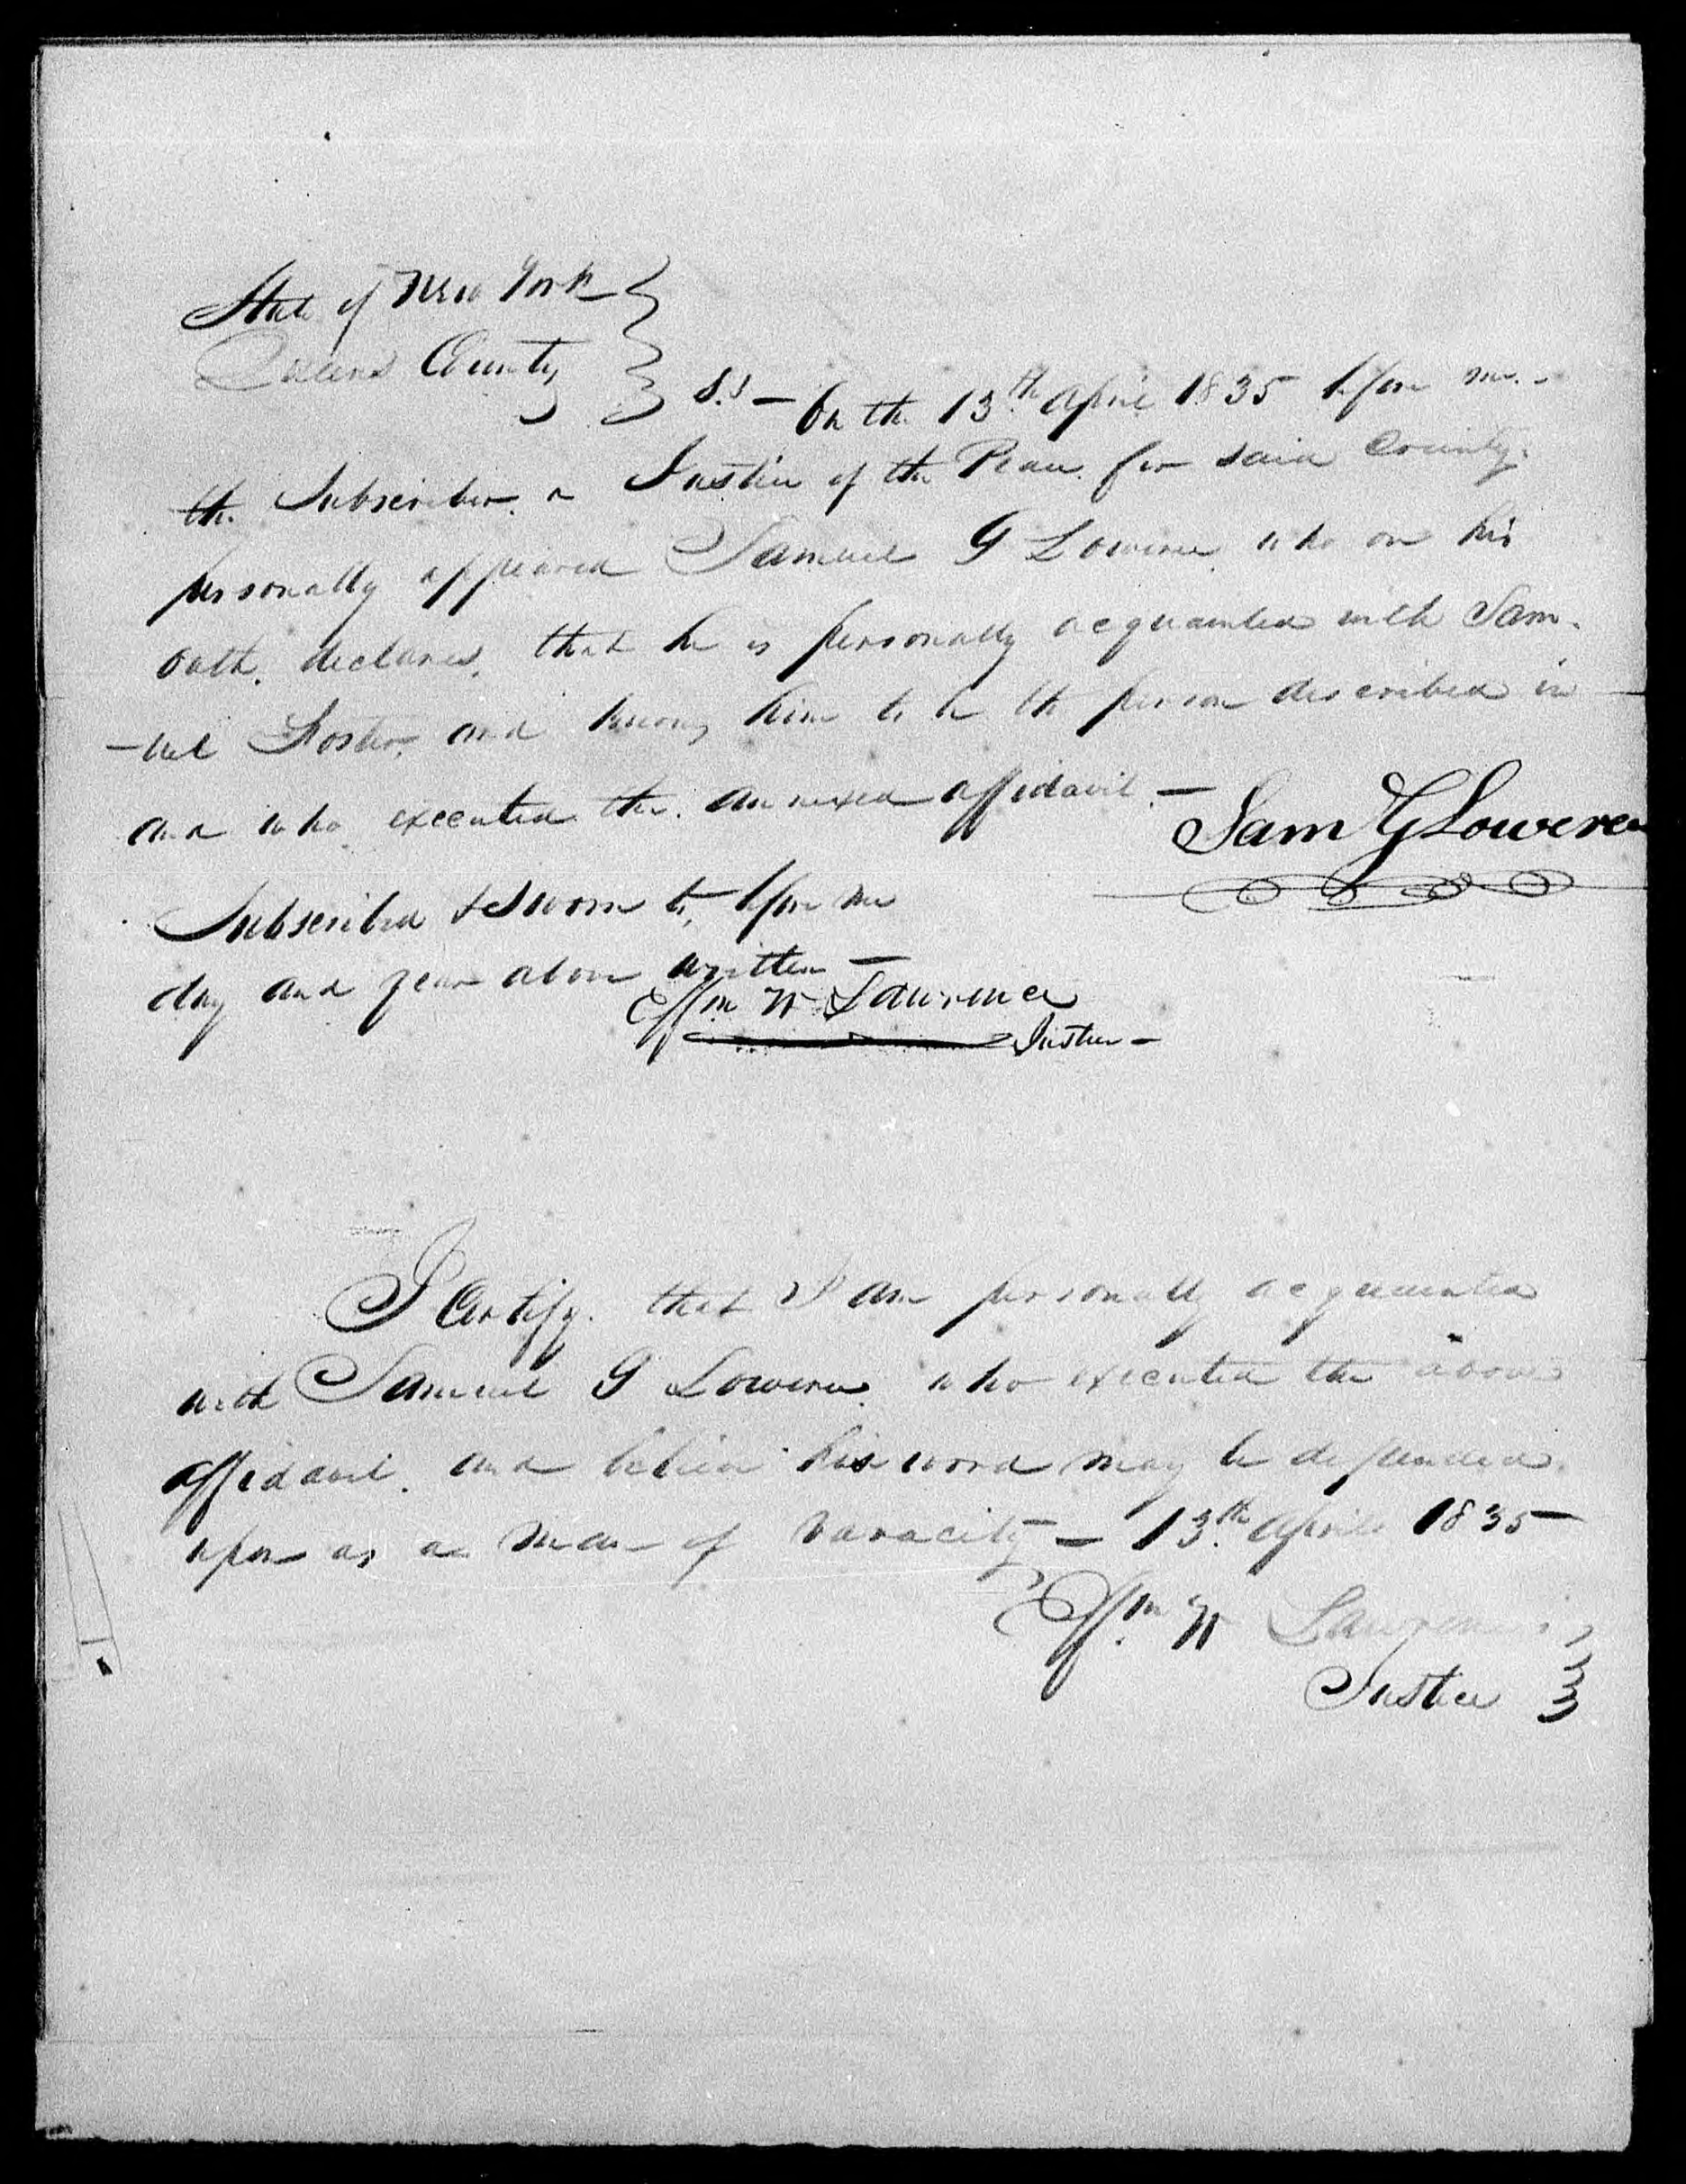State of New York
Queens County
[illegible} - On the 13th April 1835 before me the Subscriber a Justice of the Peace for said county personally appeared Samuel G Lowerce who on his oath declares that e is personally acquainted with Sam-uel Foster and knows him to be the person described in and who executed the annexed affidavit _
[signed] Sam G Lowerce
Subscribed & sworn to before me day and year above written -
[signed] Hon W Lawrence [writing crossed out] Justice -
I certify that I am personally acquainted with Samuel G Lowerce who executed the above affidavit and believe his word may be defended upon as a means of veracity _ 13th April 1835
[signed] Hon W Lawrence Justice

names: Samuel G Lowerce, Samuel Foster, Samuel G Lowerce, Saml G Lawerce, Wm W Lawrence, Wm W Lawrence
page: 17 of 54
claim: survivor's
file: S. 13,043, Samuel Foster, Conn.